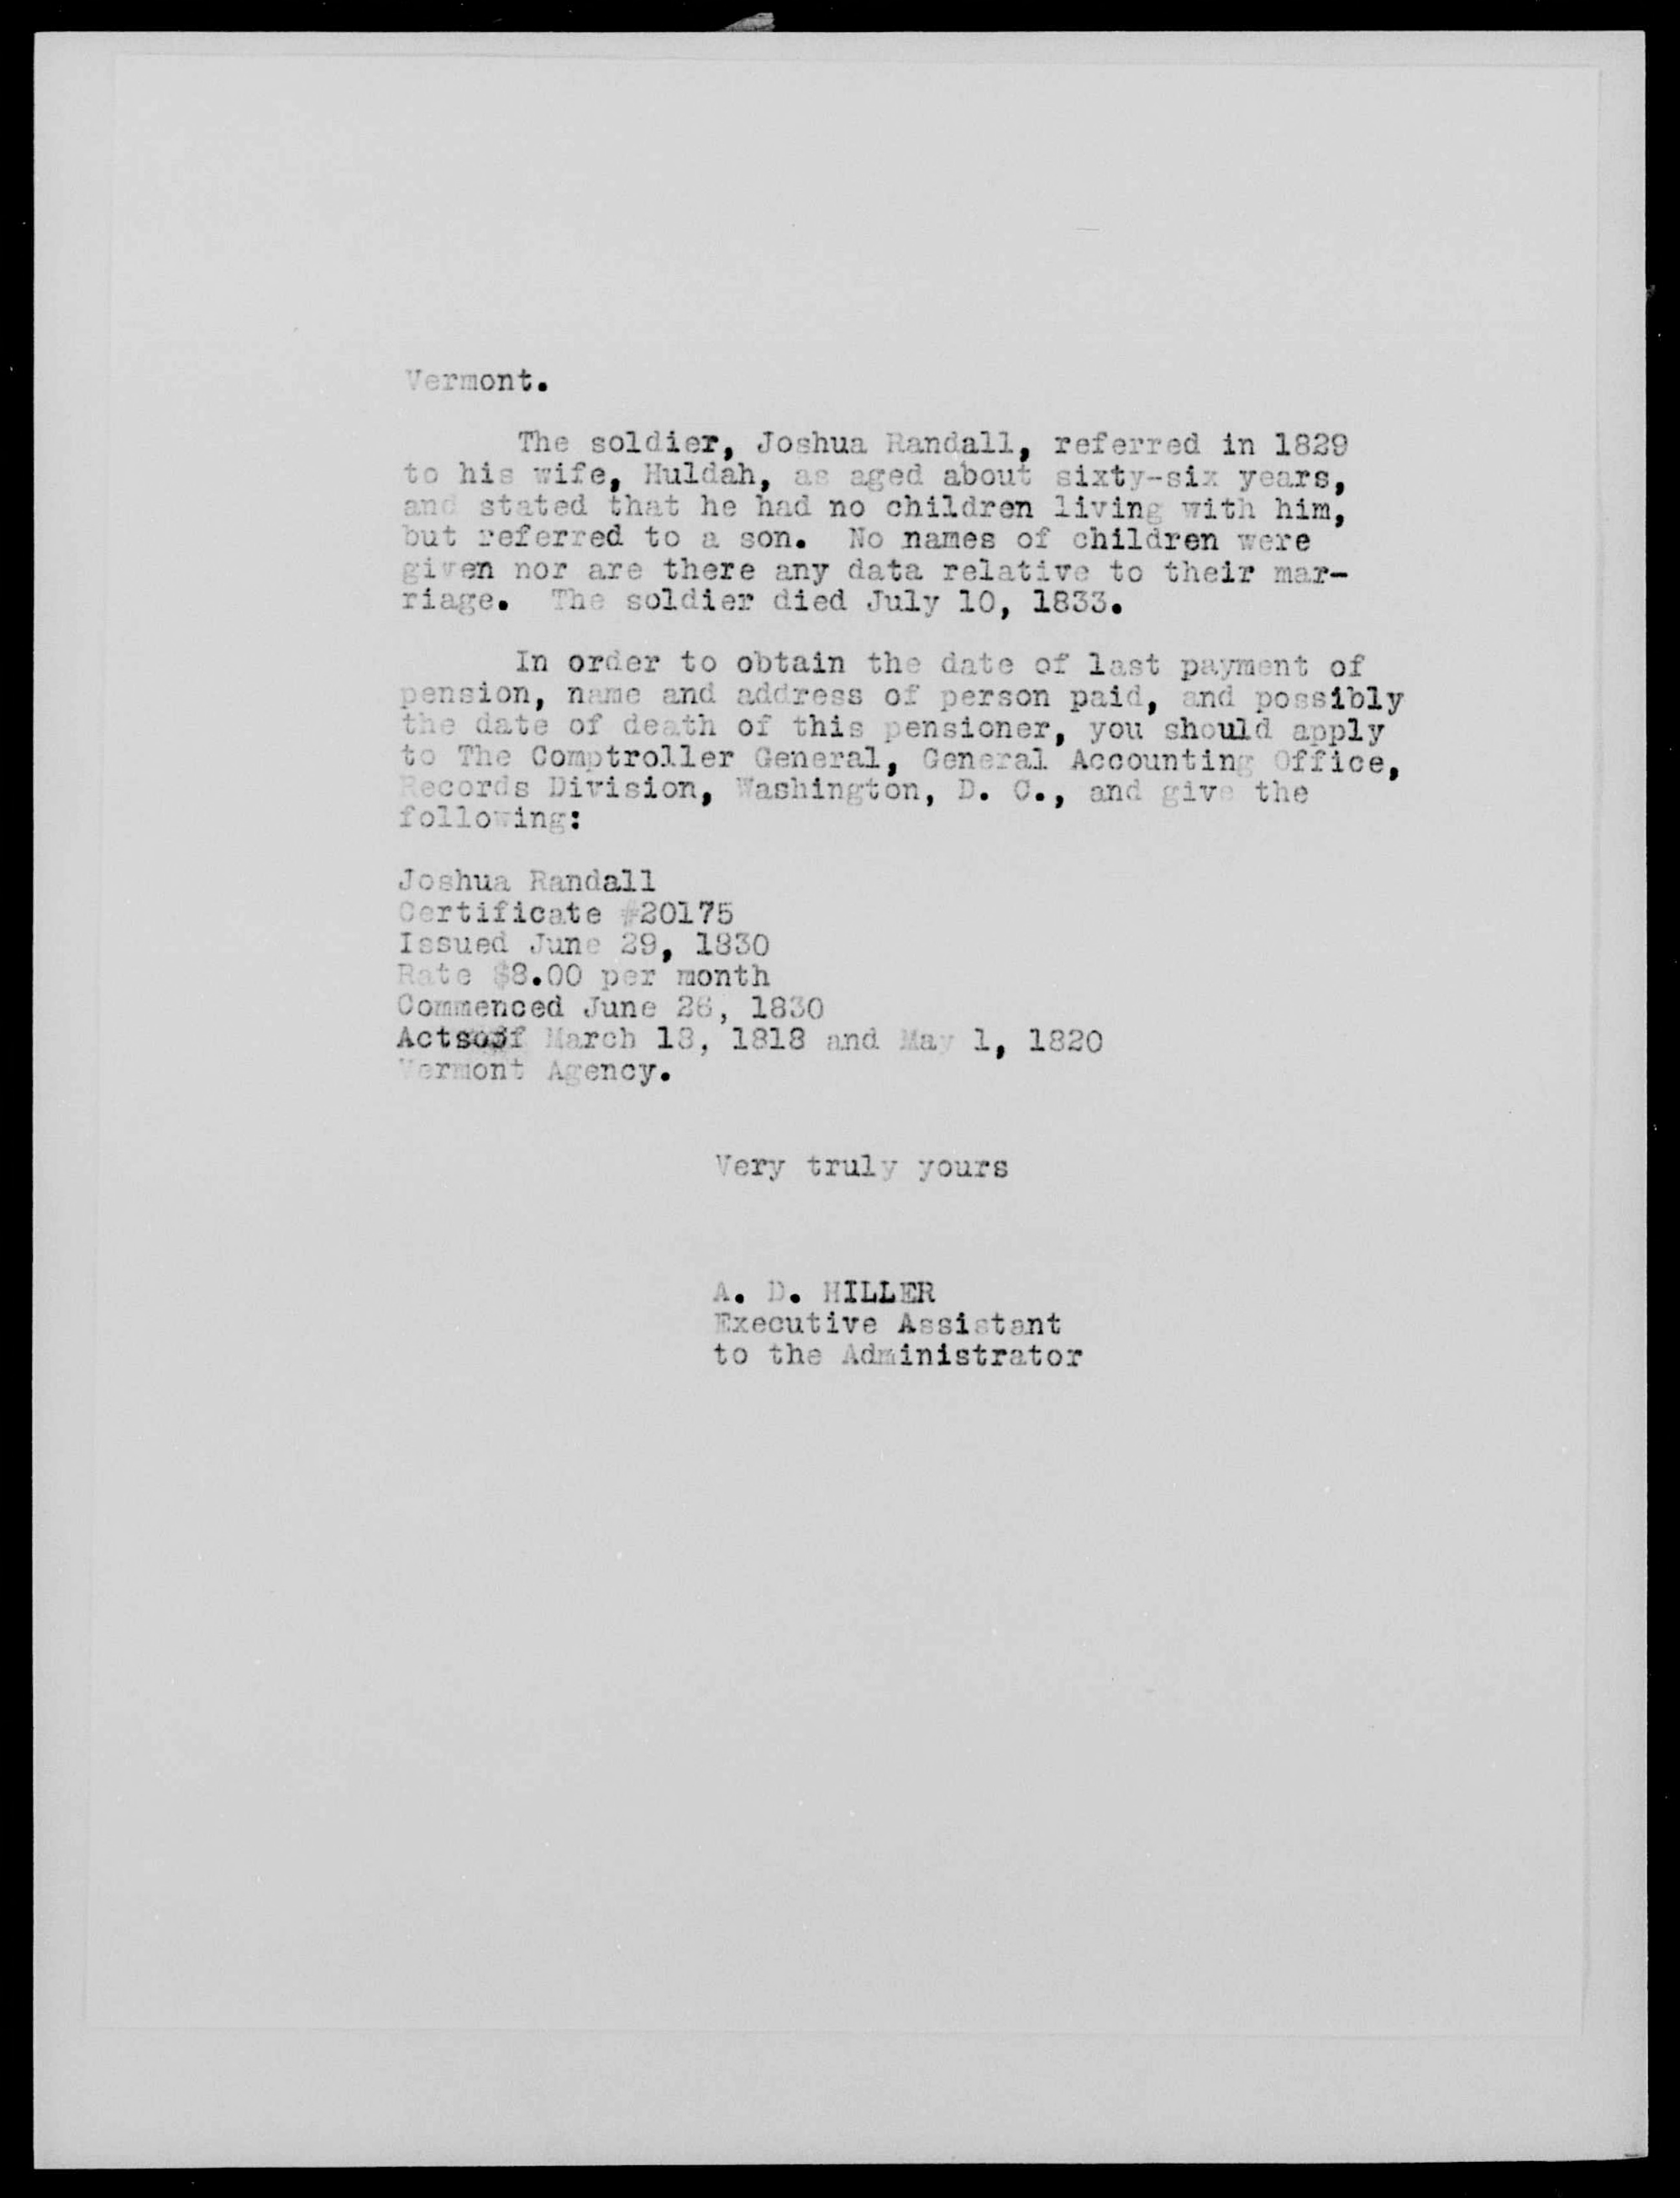Vermont.
The soldier, Joshua Randall, referred in 1829
to his wife, Huldah, as aged about sixty-six years,
and stated that he had no children living with him,
but referred to a son. No names of children were
given nor are there any data relative to their marriage.
The soldier died July 10, 1833.
In order to obtain the date of last payment of
pension, name and address of person paid, and possibly
the date of death of this pensioner, you should apply
to The Comptroller General, General Accounting Office,
Records Division, Washington, D. C., and give the
following:

Joshua Randall
Certificate #20175
Issued June 29, 1830
Rate $8.00 per month
Commenced June 26, 1830
Acts of March 18, 1818 and May 1, 1820
Vermont Agency.

Very truly yours
A. D. HILLER
Executive Assistant
to the Administrator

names: Huldah [BLANK]; A D Hiller; Joshua Randall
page: 6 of 20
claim: survivor's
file: S. 41,090, for Joshua Randall, Massachusetts